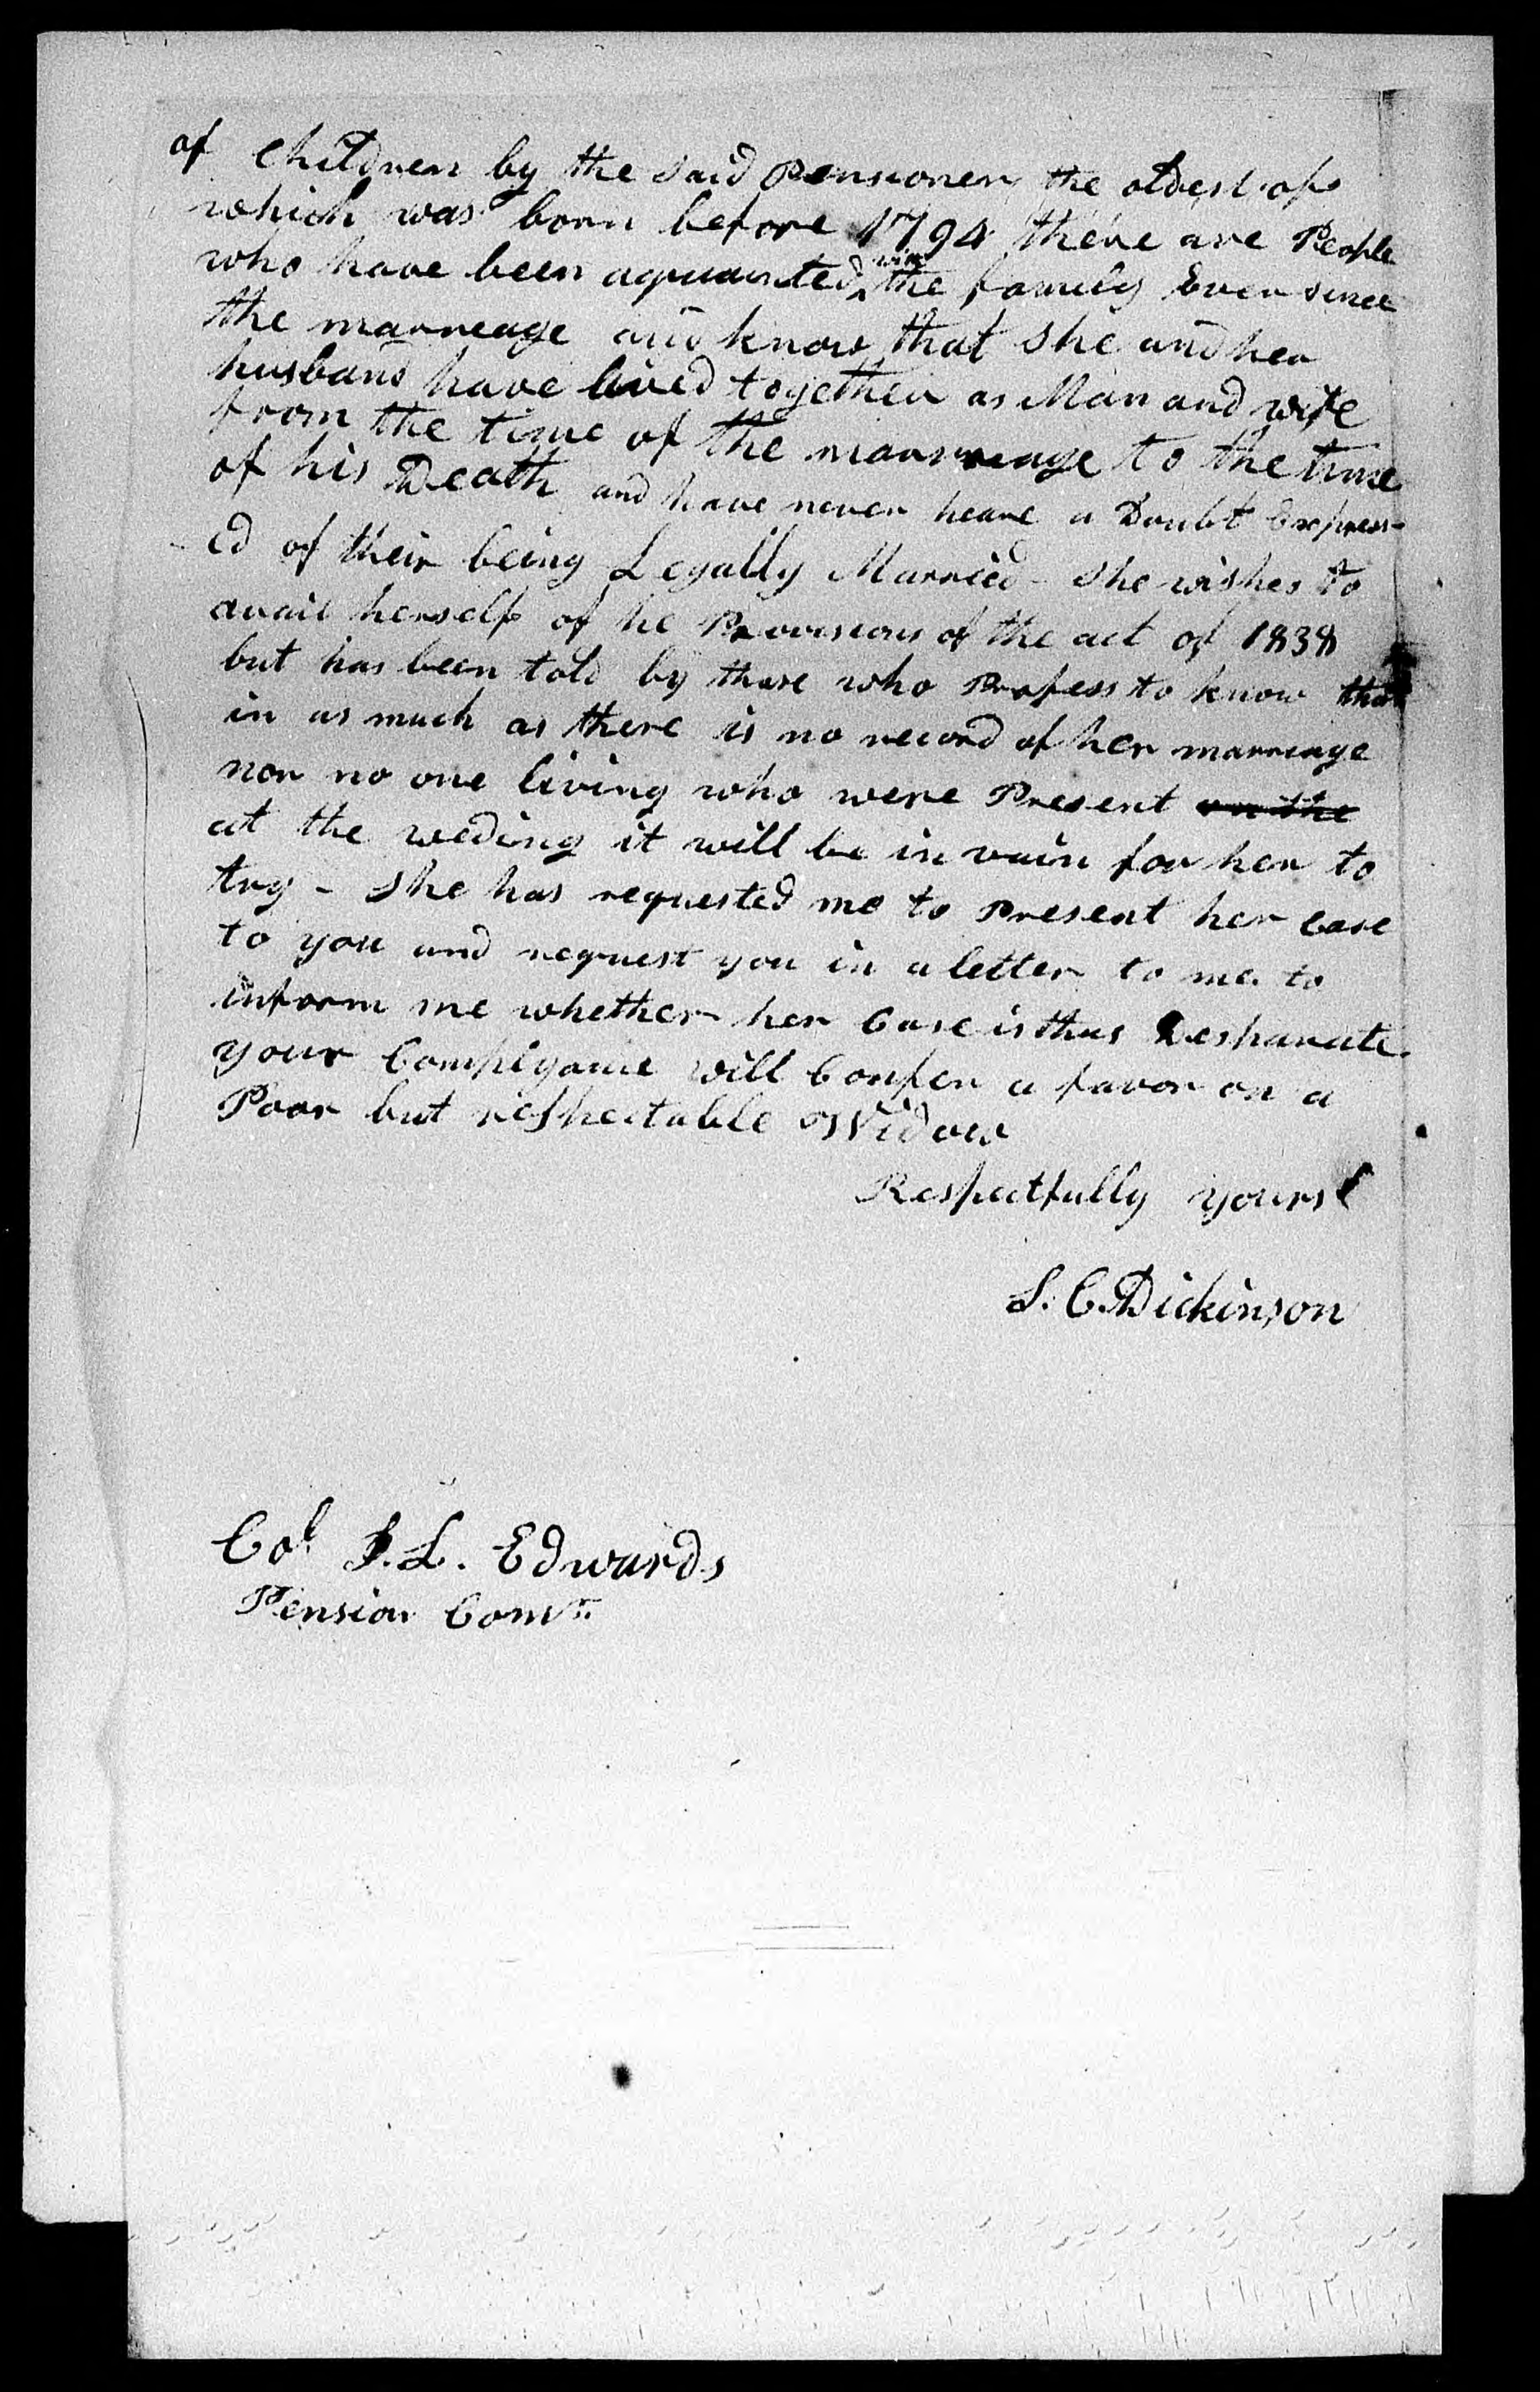of children by the said Pensioner the oldest of
which was born before 1794 there are People
who have been acquainted with the family ever since
the marriage and know that she and her
husband have lived together as Man and Wife
from the time of the marriage to the time
of his Death of the marriage to the time
and have never heard a doubt expressed
of their being Legally Married.  She wishes to
avail herself of the provisions of the act of 1838
but has been told by those who profess to know that
in as much as there is no record of her marriage
now no one living who were present at
at the weding [wedding] it will be in vain for her to
try.  She has requested me to present her case
to you and request you in a letter to me to
inform me whether her case is thus desparate [desperate]
Your Complyance [Compliance] will confer a favor on a
Poor but respectable Widow
Respectfully yours
S.C. Dickinson

Col J. L. Edwards
Pension Comr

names: S C Dickinson, J L Edwards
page: 39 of 60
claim: widow's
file: W 16,955, Samuel Dickinson, Conn.